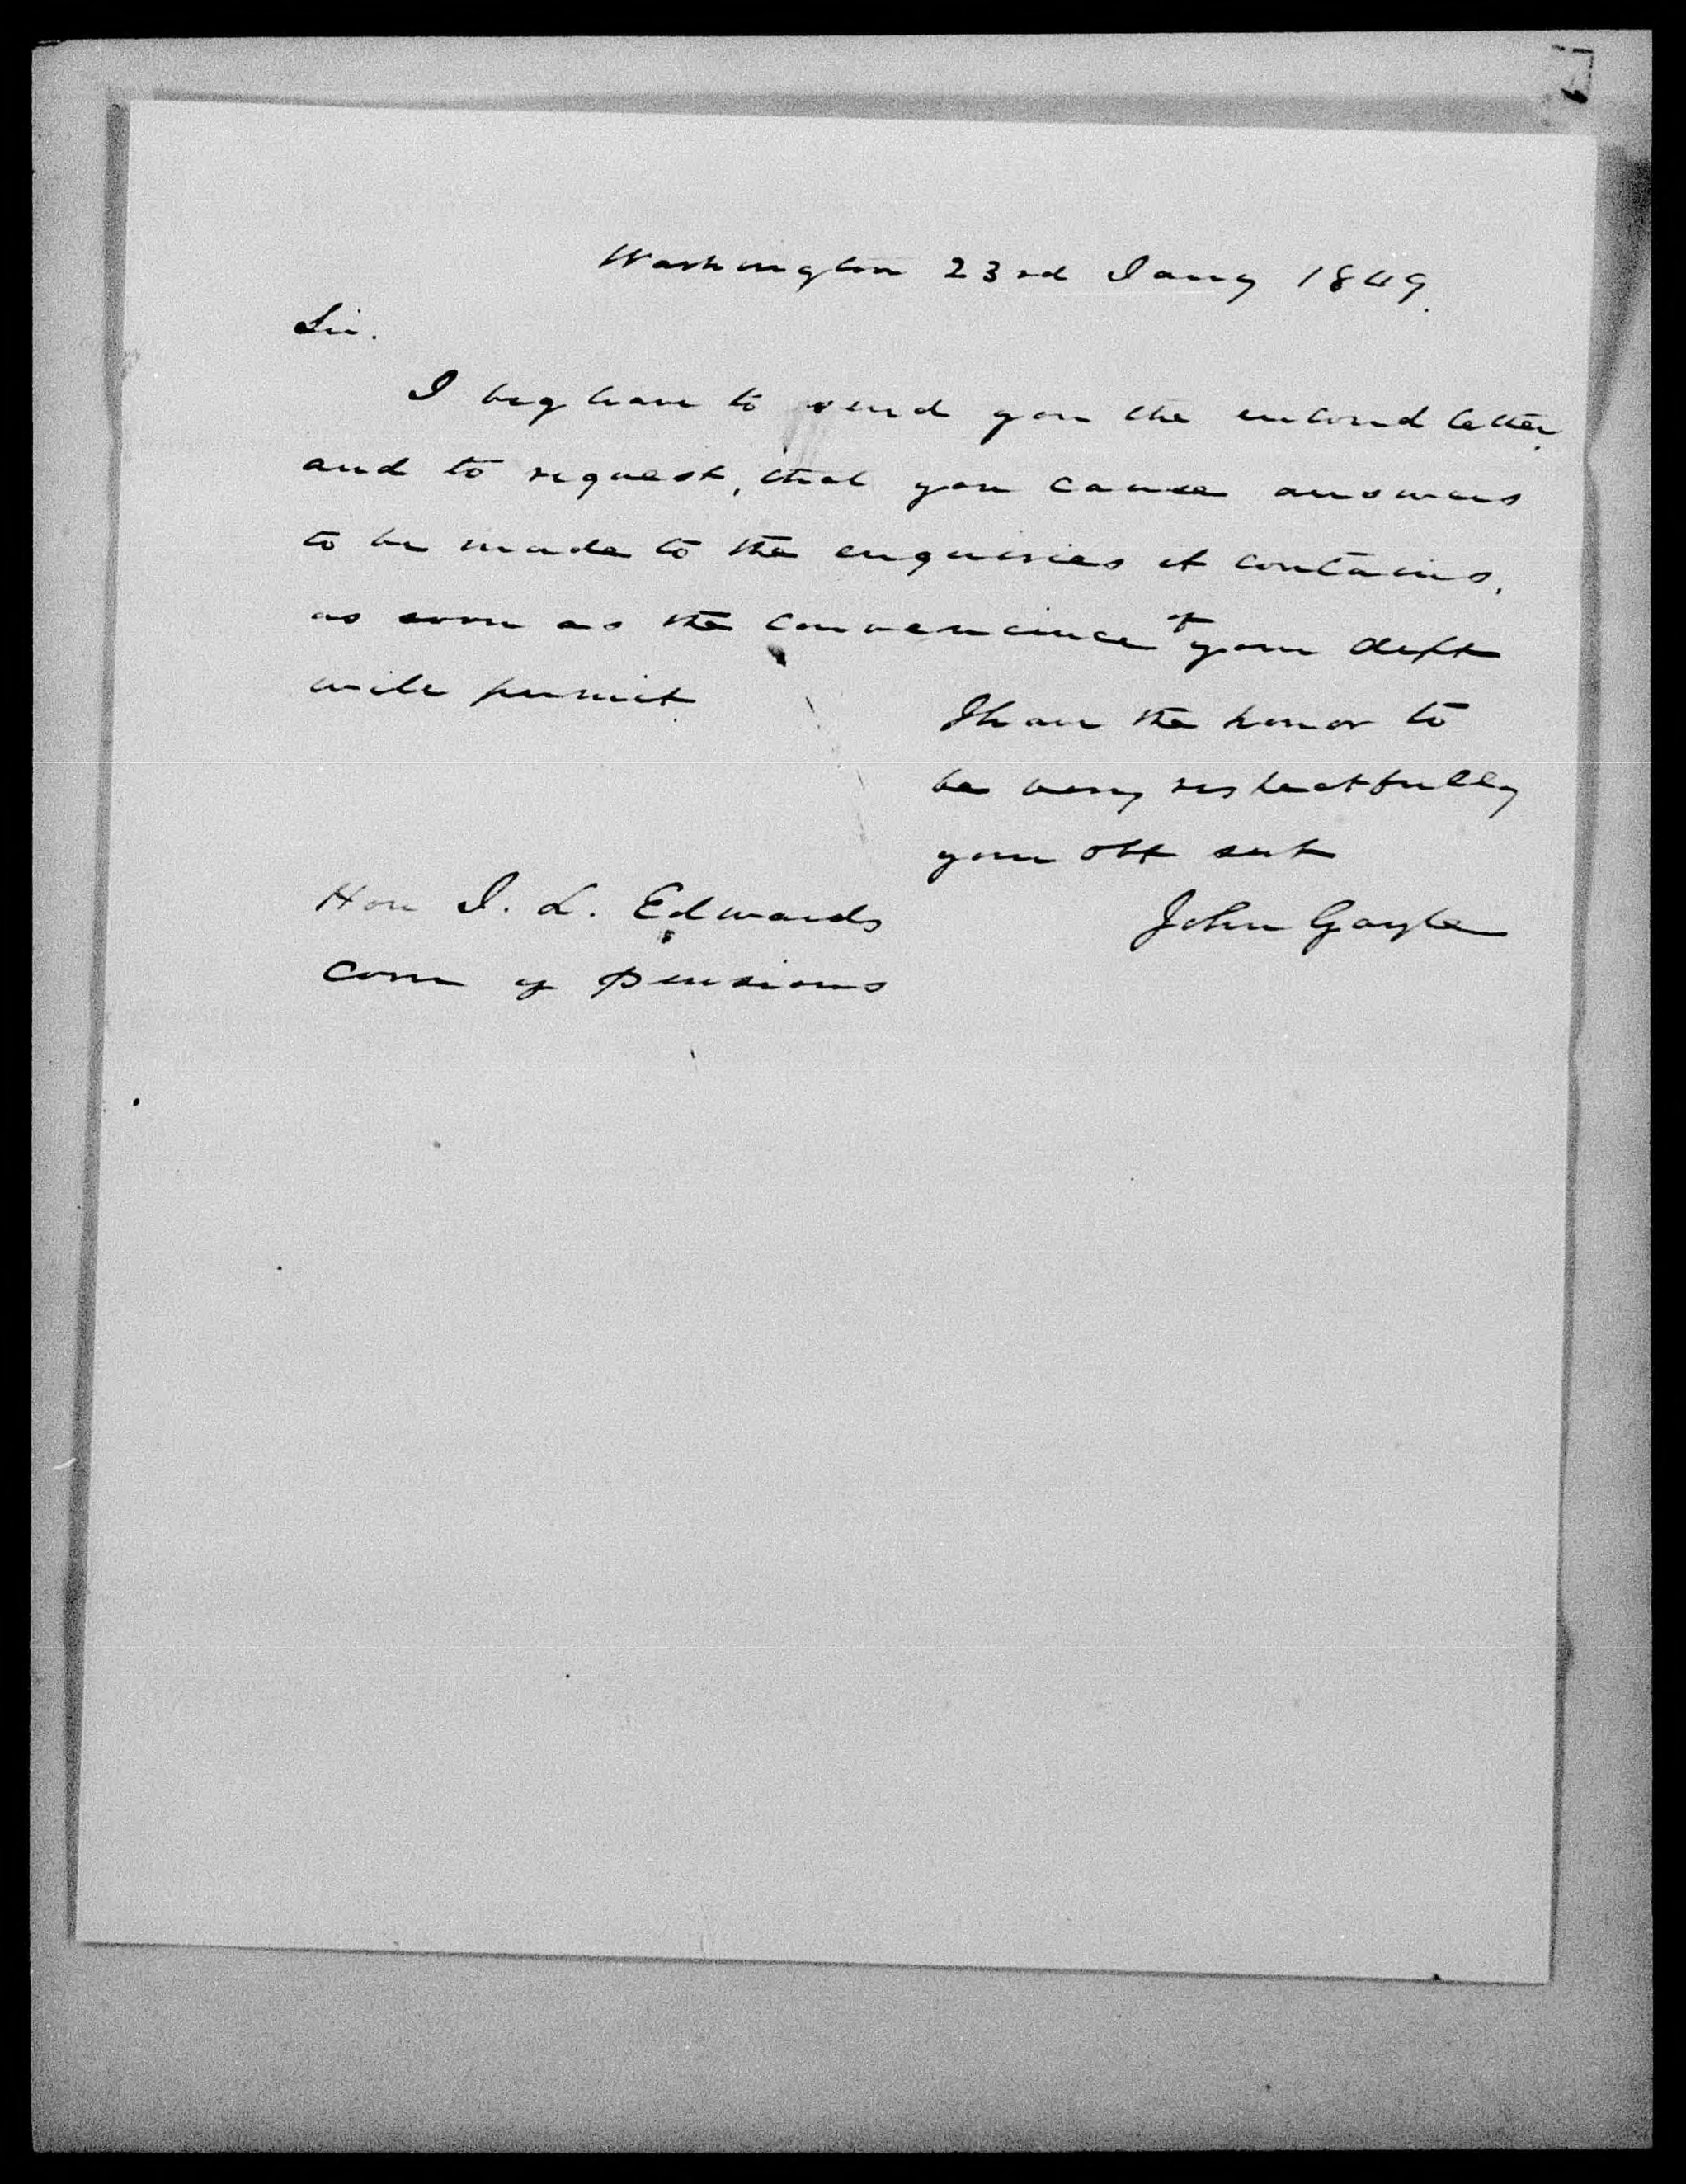Washington 23rd Jany 1849
Sir
I beg leave to send you the enclosed letter and to request that you cause answers to be made to the enquiries it contains as soon as the convenience of your dept will permit
I have the honor to be very respectfully your obt servt
John Gayle

Hon JL Edwards
Com of Pensions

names: J L Edwards; John Gayle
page: 18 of 26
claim: rejected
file: R. 8,161, for Theophilus Petty, South Carolina